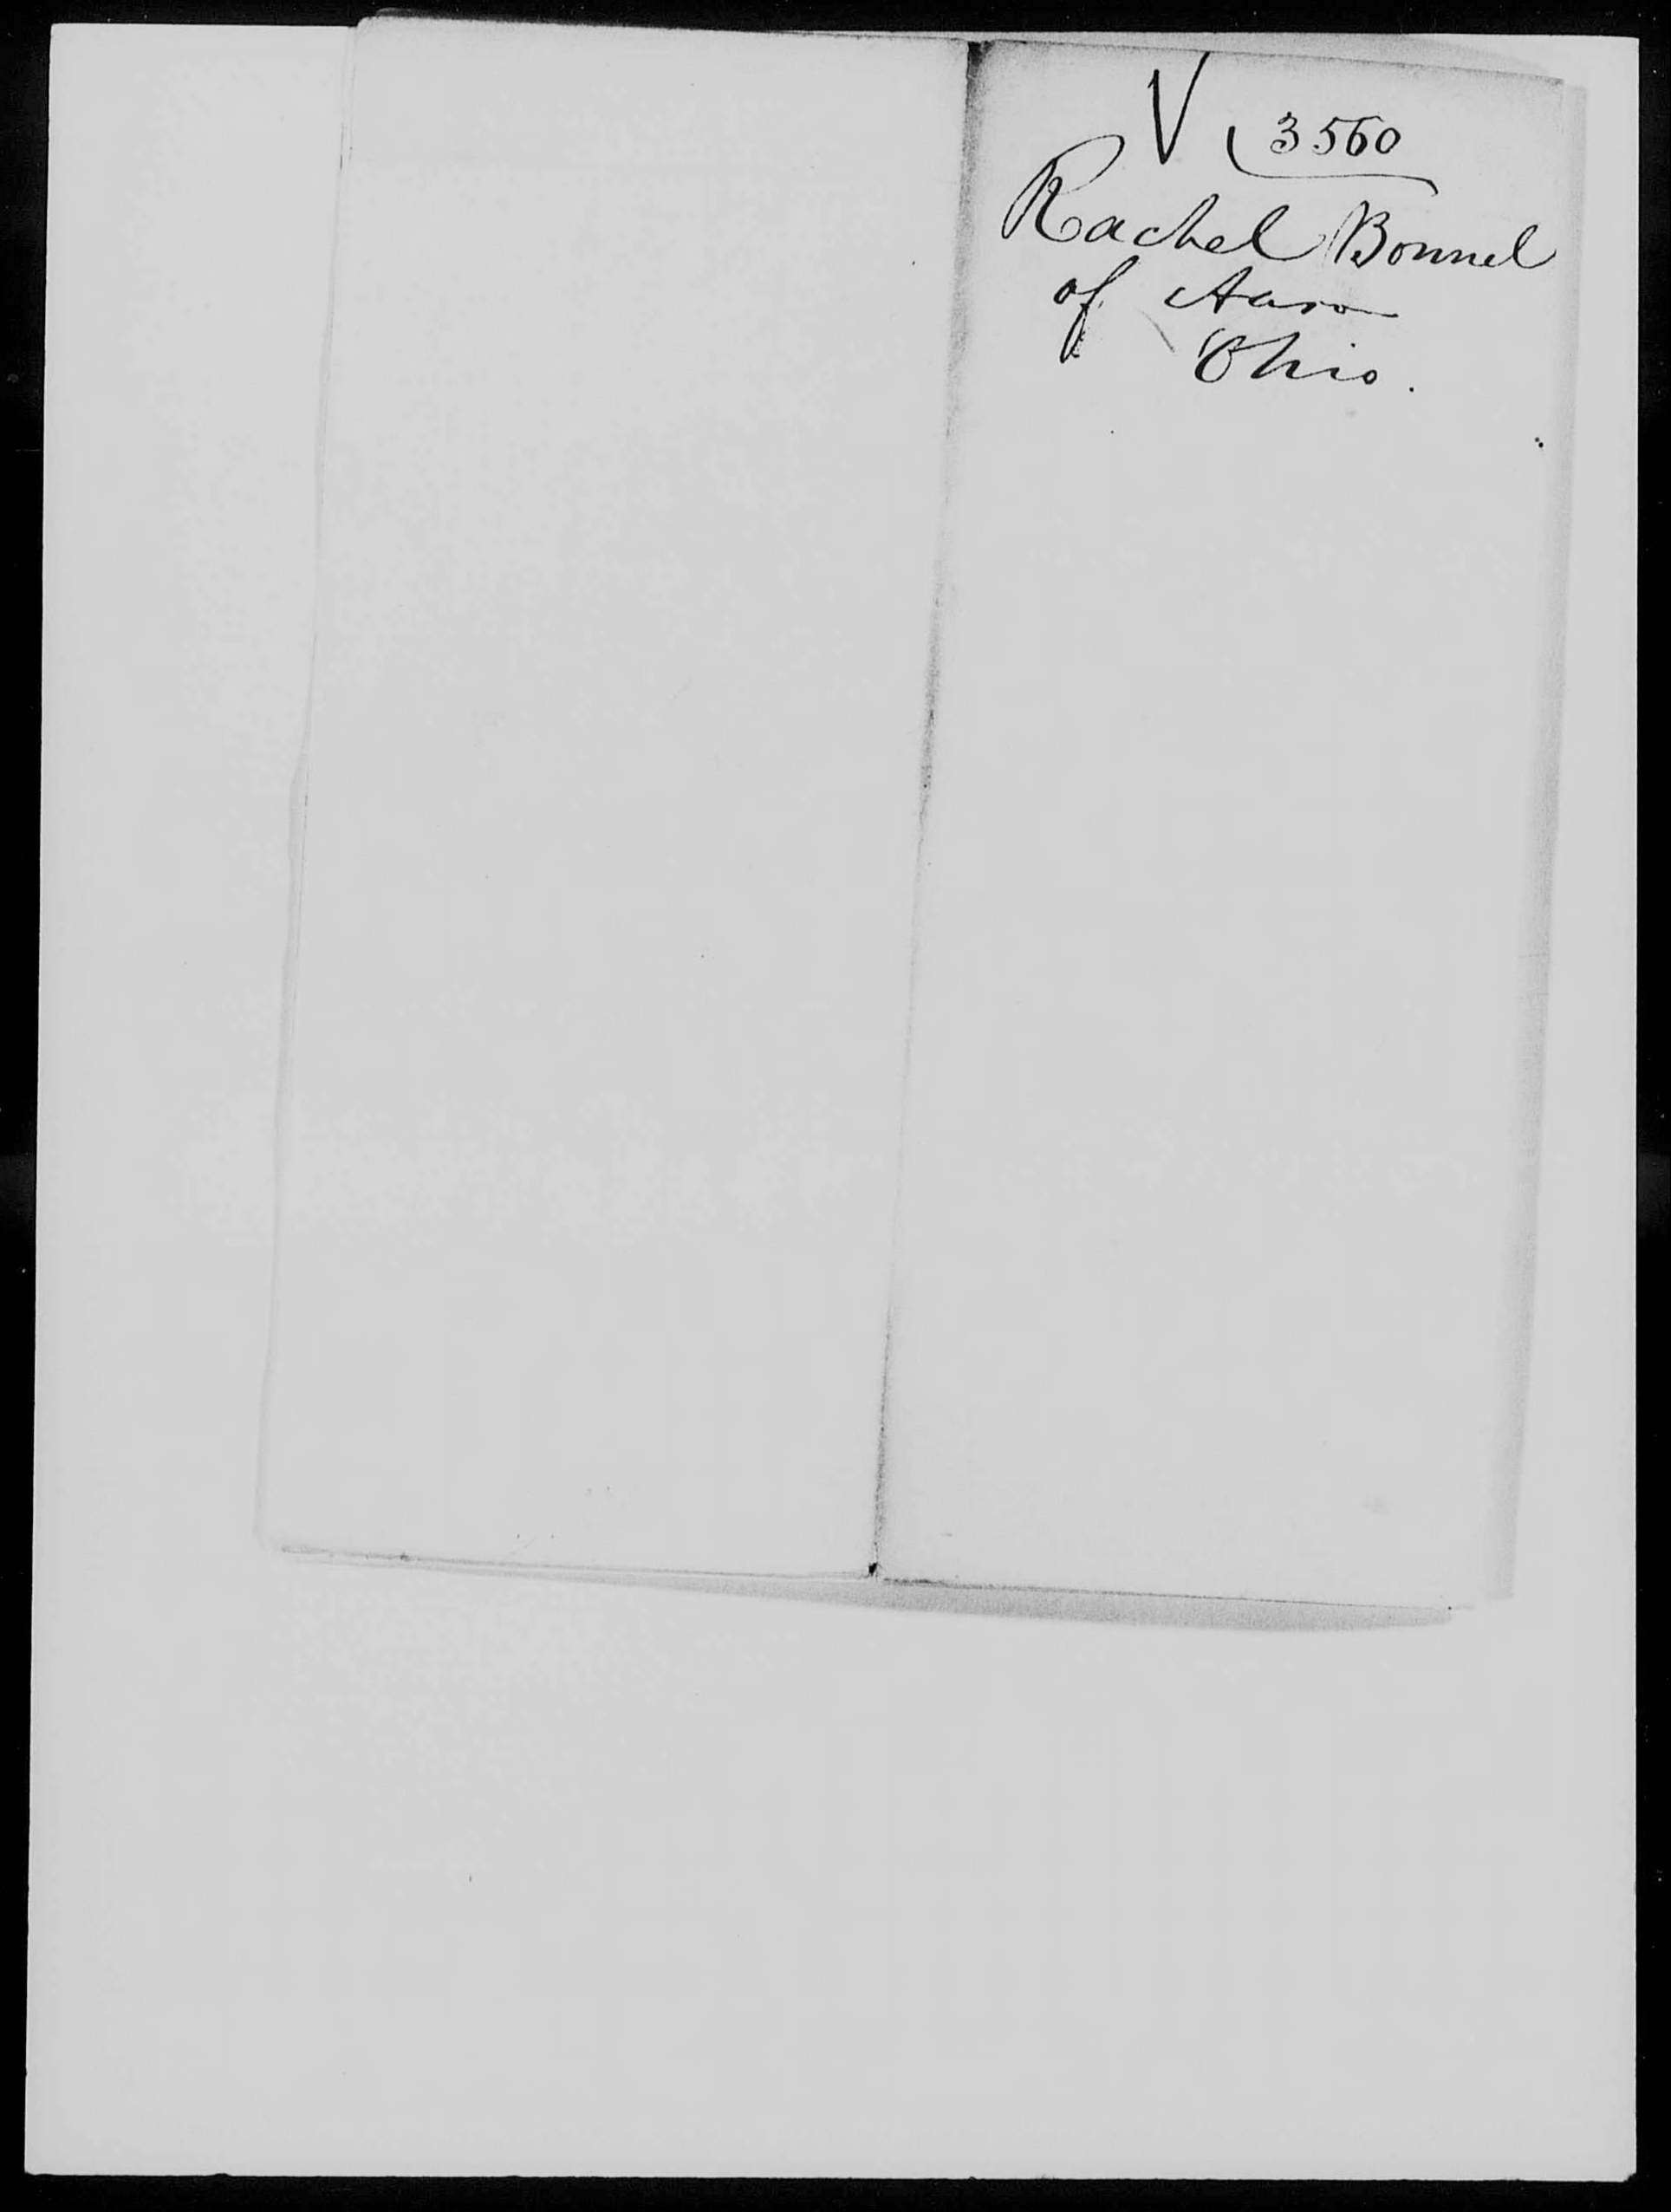V 
3560
Rachel Bonnel
of Aaron 
Ohio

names: Rachel Bonnel, Aaron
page: 11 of 67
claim: rejected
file: R. 1009, Aaron Bonnel, New Jersey